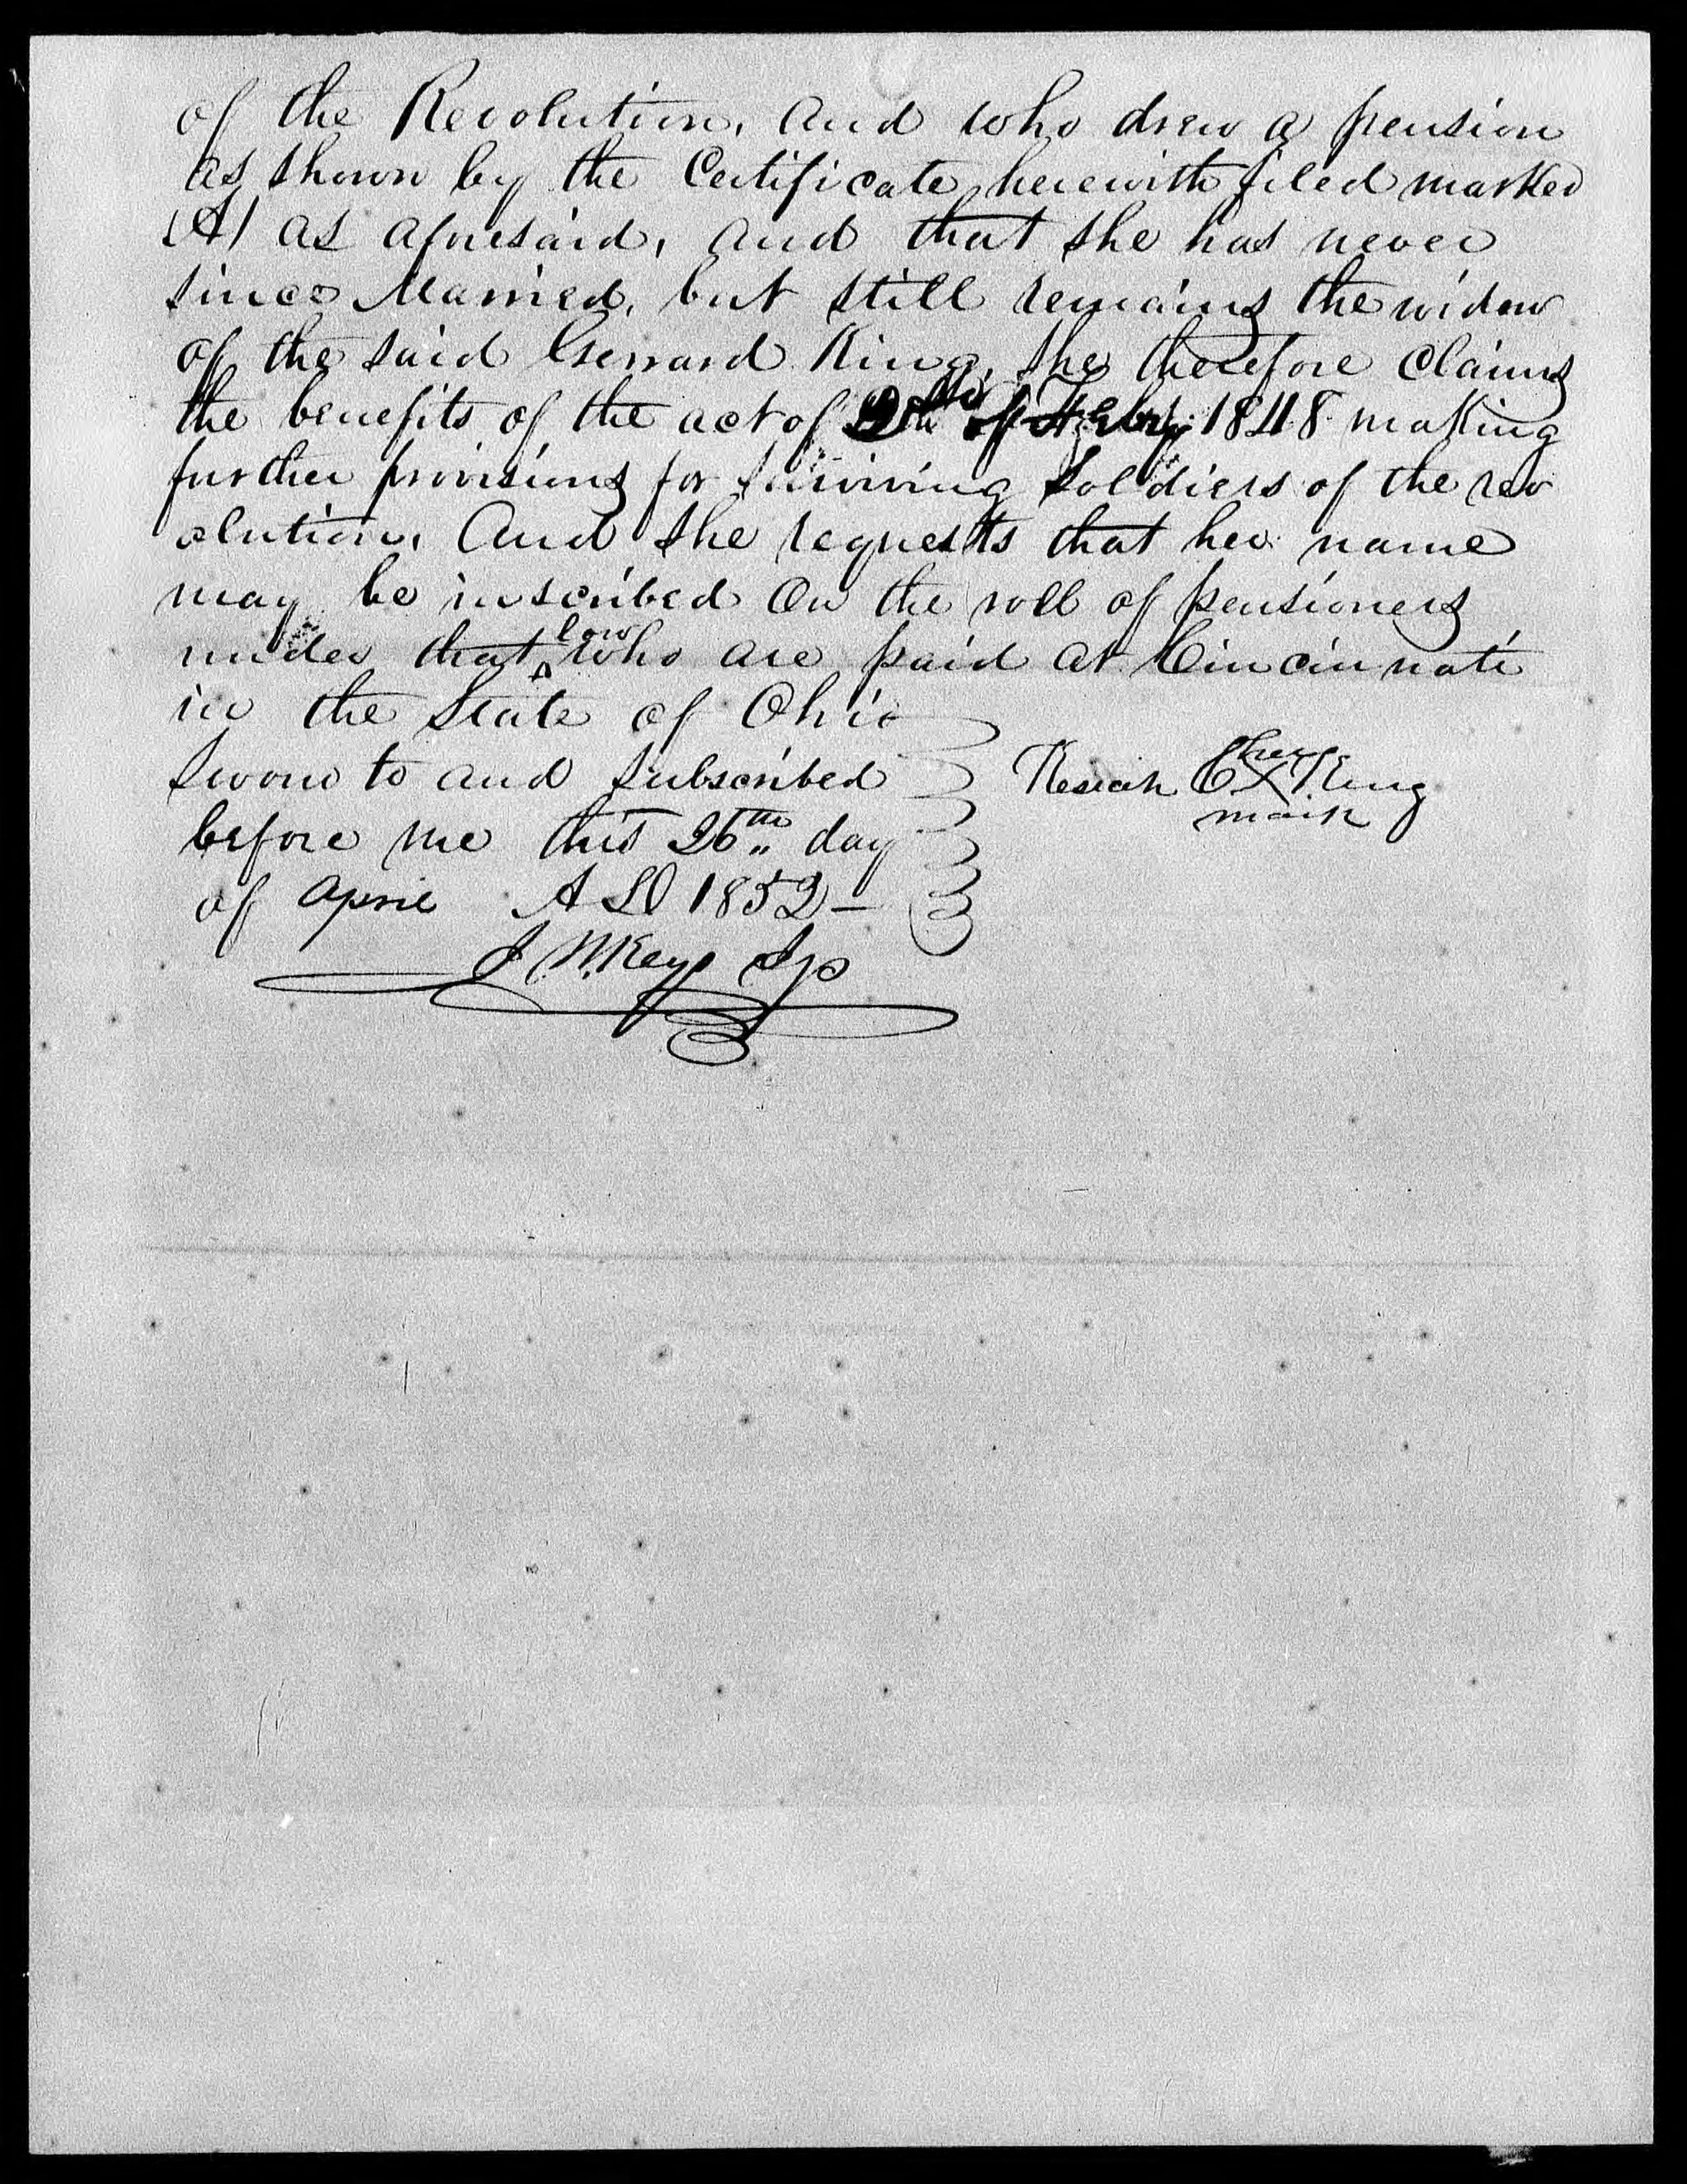of the Revolution and who drew a pension as shown by the Certificate herewith filed marked (A) as aforesaid, and that had never since married but still remains the widow of the said Gerrard King.  She therefore claims the benefits of the Act of [illegible] 1848 making further provisions surviving Soldiers of the Revolution, and she requests that her made may be inscribed on the roll of pensioners under that who are paid at Cincinnati in the State of Ohio
Sworn to and Subscribed before me this 26th day of April AD 1852
J W [illegible]

Kesiah S. King
her X mark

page: 7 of 45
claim: widow's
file: W. 7984, for Gerrard King, Virginia